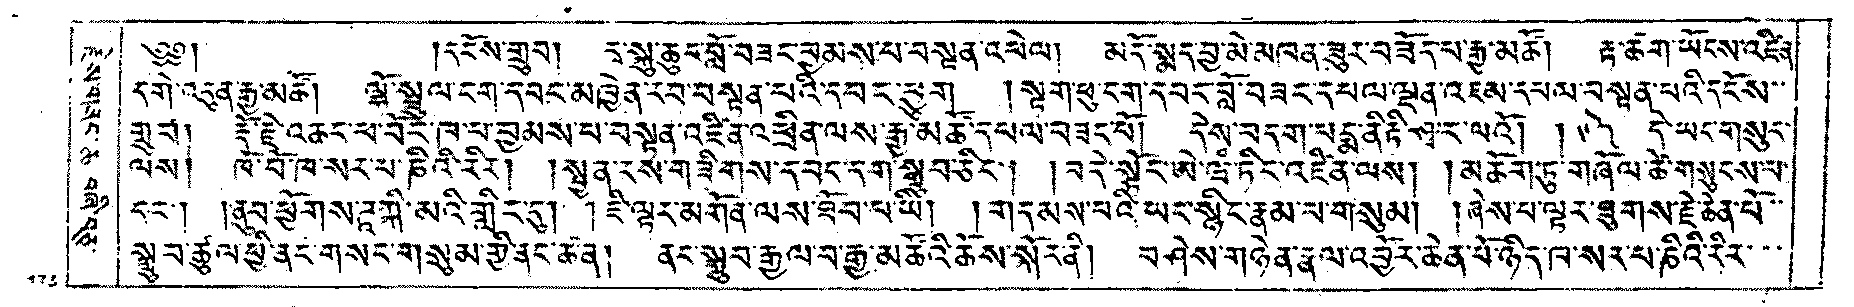༄༅། །དངོས་གྲུབ། རྭ་སྐུ་ཆུང་བློ་བཟང་བྱམས་པ་བསྟན་འཕེལ། མདོ་སྨད་བྱ་མེ་མཁན་ཟུར་བཟོད་པ་རྒྱ་མཚོ། རྟ་ཚག་ཡོངས་འཛིན་
དགེ་འདུན་རྒྱ་མཚོ། ལྷོ་སྤྲུལ་ངག་དབང་མཁྱེན་རབ་བསྟན་པའི་དབང་ཕྱུག །སྟག་ཕུ་ངག་དབང་བློ་བཟང་དཔལ་ལྡན་འཇམ་དཔལ་བསྟན་པའི་དངོས་
གྲུབ། རྡོ་རྗེ་འཆང་ཕ་བོང་ཁ་པ་བྱམས་པ་བསྟན་འཛིན་འཕྲིན་ལས་རྒྱ་མཚོ་དཔལ་བཟང་པོ། དེས་བདག་པདམ་ནི་རྟི་ཤྭ་ར་ལའོ། །༤?་དེ་ཡང་གསུང་
ལས། ཁོ་བོ་ཁ་སར་པ་ཎིའི་རིར། །སྤྱན་རས་གཟིགས་དབང་དག་སྒྲུབ་ཅིང་། །བདེ་སྟོང་ཨེ་ཝཾ་ཏིང་འཛིན་ལས། །མཆོག་ཏུ་གཞོལ་ཚེ་གསུངས་པ་
དང་། །ནུབ་ཕྱོགས་ཌཱཀྐི་མའི་གླིང་དུ། །ཇི་ལྟར་མགོན་ལས་ཐོབ་པ་ཡི། །གདམས་པའི་ཡང་སྙིང་རྣམ་པ་གསུམ། །ཞེས་པ་ལྟར་ཐུགས་རྗེ་ཆེན་པོ་
སྒྲུབ་ཚུལ་ཕྱི་ནང་གསང་གསུམ་གྱི་ནང་ཚན། ནང་སྒྲུབ་རྒྱལ་བ་རྒྱ་མཚོའི་ཆོས་སྐོར་ནི། བཤེས་གཉེན་རྣལ་འབྱོར་ཆེན་པོ་ཉིད་ཁ་སར་པ་ཎྀའི་རིར་